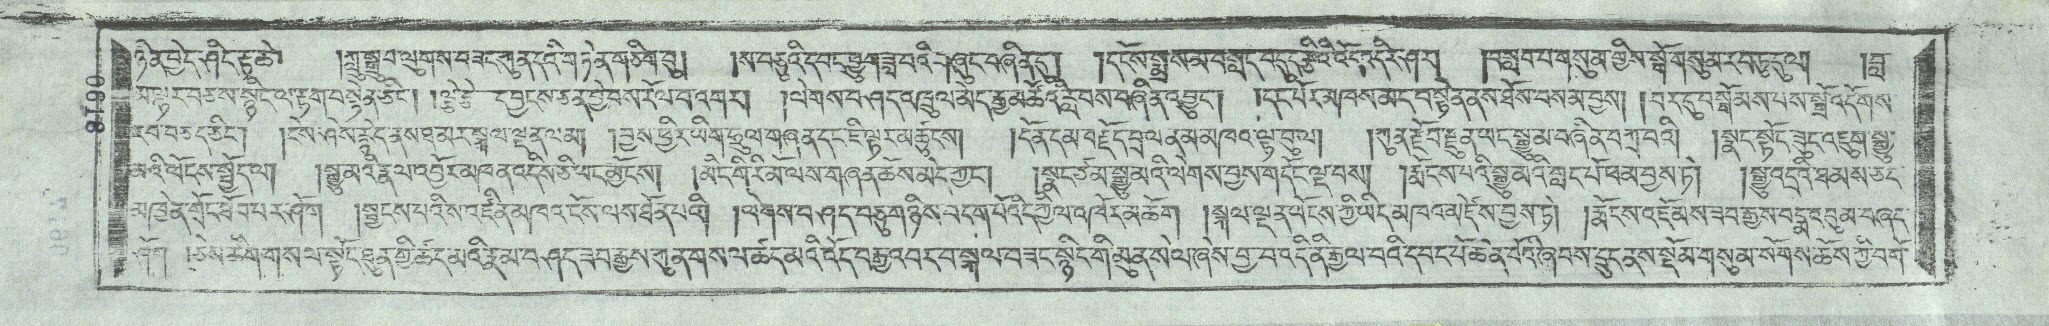ཉིན་བྱེད་ཤིང་རྟ་ཆེ། །ཀླུ་སྒྲུབ་ལུགས་བཟང་ཀུན་དའི་གཉེན་གཅིག་བུ། །ས་བཅུའི་དབང་ཕྱུག་ཟླ་བའི་གཞུང་བཞིན་དུ། །དངོས་སྨྲས་མ་བསླད་བདུད་རྩིའི་འོད་འདིར་ཤར། །བསླབ་པ་གསུམ་གྱིས་སྒོ་གསུམ་རབ་ཏུ་དུལ། །བླ་
མ་ལྷར་བཅས་སྙིང་ལ་རྟག་བསྟེན་ཅིང་། །ལྕེ་རྩེ་དབྱངས་ཅན་བྱེ་བས་རོལ་བ་འགར། །ལེགས་བཤད་འཁྲུལ་མེད་རྒྱ་མཚོའི་རླབས་བཞིན་འབྱུང་། །དང་པོར་མཁས་མང་བསྟེན་ནས་ཐོས་བསམ་བྱས། །བར་དུ་བསྒོམས་པས་སྒྲོ་འདོགས་
རབ་བཅད་ཅིང་། །ངེས་ཤེས་རྙེད་ནས་ཐ་མར་སྐལ་ལྡན་ལམ། །བྱས་ཕྱིར་ཡིག་ཧྲུལ་གཞན་དང་ཇི་ལྟར་མཚུངས། །དོན་དམ་བརྗོད་བྲལ་ནམ་མཁའ་ལྟ་བུ་ལ། །ཀུན་རྫོབ་རྫུན་ཡང་སྒྱུ་མ་བཞིན་བཀྲ་བའི། །སྣང་སྟོང་ཟུང་འཇུག་སྒྱུ་
མའི་ལོངས་སྤྱོད་ལ། །སྒྱུ་མའི་རྣལ་འབྱོར་མཁན་འདིས་ཅི་ཡང་མྱོངས། །མིང་གི་རི་མོ་ལས་གཞན་ཆོས་མེད་ཀྱང་། །སྣང་ཙམ་སྒྱུ་མའི་ལེགས་བྱས་གདོང་ལྔ་པས། །རྨོངས་པའི་སྒྱུ་མའི་གླང་པོ་ཕམ་བྱས་ཏེ། །སྒྱུ་འདྲའི་ཐམས་ཅད་
མཁྱེན་གྲོང་ཐོབ་པར་ཤོག །སྦྱངས་པའི་ས་འཛིན་མཁའ་ངོས་ལས་ཐོན་པའི། །ལེགས་བཤད་བཅུ་གཉིས་བདག་པོའི་དཀྱིལ་འཁོར་མཆོག །སྐལ་ལྡན་ཡོངས་ཀྱི་ཡིད་མཁའ་མཛེས་བྱས་ཏེ། །རྨོངས་འཇོམས་ཟབ་རྒྱས་པདམ་འབུམ་བཞད་
ཤོག །ཅེས་ཚིག་གསལ་སྟོད་ཐུན་གྱི་ཚད་མའི་རྣམ་བཤད་ཟབ་རྒྱས་ཀུན་གསལ་ཚད་མའི་འོད་བརྒྱ་འབར་བ་སྐལ་བཟང་སྙིང་གི་མུན་སེལ་ཞེས་བྱ་བ་འདི་ནི་རྒྱལ་བའི་དབང་པོ་ཆེན་པོའི་ཞབས་དྲུང་ནས་སྡོམ་གསུམ་སོགས་ཆོས་ཀྱི་བགོ་